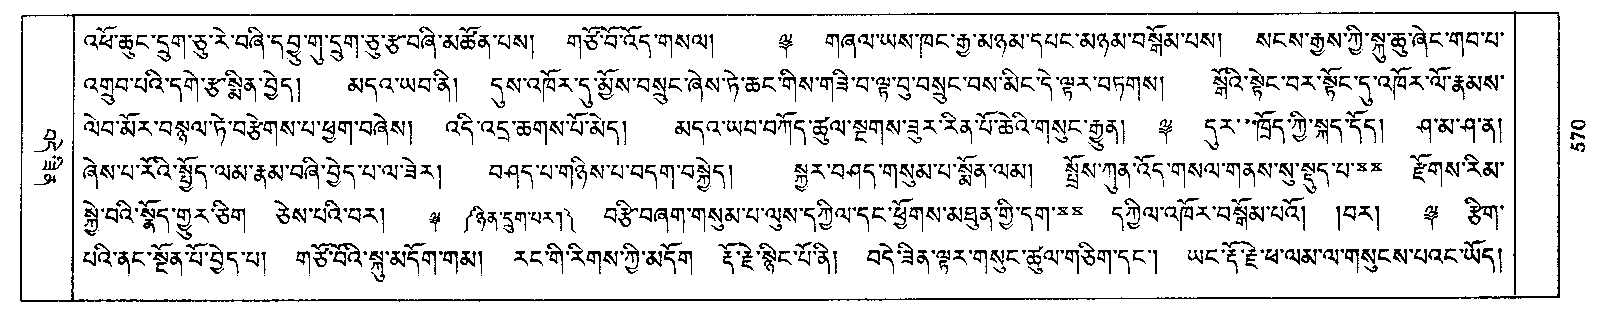འཕོ་ཆུང་དྲུག་ཅུ་རེ་བཞི་དབྱུ་གུ་དྲུག་ཅུ་རྩ་བཞི་མཚོན་པས། གཙོ་བོ་འོད་གསལ། ༈ གཞལ་ཡས་ཁང་རྒྱ་མཉམ་དཔང་མཉམ་བསྒོམ་པས། སངས་རྒྱས་ཀྱི་སྐུ་ཆུ་ཞེང་གབ་པ་
འགྲུབ་པའི་དགེ་རྩ་སྨིན་བྱེད། མདའ་ཡབ་ནི། དུས་འཁོར་དུ་མྱོས་བསྲུང་ཞེས་ཏེ་ཆང་གིས་གཟི་བ་ལྟ་བུ་བསྲུང་བས་མིང་དེ་ལྟར་བཏགས། སྒོའི་སྟེང་བར་སྟོང་དུ་འཁོར་ལོ་རྣམས་
ལེབ་མོར་བསྙལ་ཏེ་བརྩེགས་པ་ཕྱག་བཞེས། འདི་འདྲ་ཆགས་པོ་མེད། མདའ་ཡབ་བཀོད་ཚུལ་སྔགས་ཟུར་རིན་པོ་ཆེའི་གསུང་རྒྱུན། ༈ དུར་ཁྲོད་ཀྱི་སྐད་དོད། ཤ་མ་ཤ་ན།
ཞེས་པ་རོའི་སྤྱོད་ལམ་རྣམ་བཞི་བྱེད་པ་ལ་ཟེར། བཤད་པ་གཉིས་པ་བདག་བསྐྱེད། སྐྱར་བཤད་གསུམ་པ་སྨོན་ལམ། སྤྲོས་ཀུན་འོད་གསལ་གནས་སུ་སྡུད་པ་྾་྾་རྫོགས་རིམ་
སྐྱེ་བའི་སྣོད་གྱུར་ཅིག་ཅེས་པའི་བར། ༈ ?ཉིན་དྲུག་པར། བརྩི་བཞག་གསུམ་པ་ལུས་དཀྱིལ་དང་ཕྱོགས་མཐུན་གྱི་དག་྾་྾་དཀྱིལ་འཁོར་བསྒོམ་པའོ། །བར། ༈ རྩིག་
པའི་ནང་སྔོན་པོ་བྱེད་པ། གཙོ་བོའི་སྐུ་མདོག་གམ། རང་གི་རིགས་ཀྱི་མདོག་རྡོ་རྗེ་སྙིང་པོ་ནི། བདེ་ཟིན་ལྟར་གསུང་ཚུལ་གཅིག་དང་། ཡང་རྡོ་རྗེ་ཕ་ལམ་ལ་གསུངས་པའང་ཡོད།